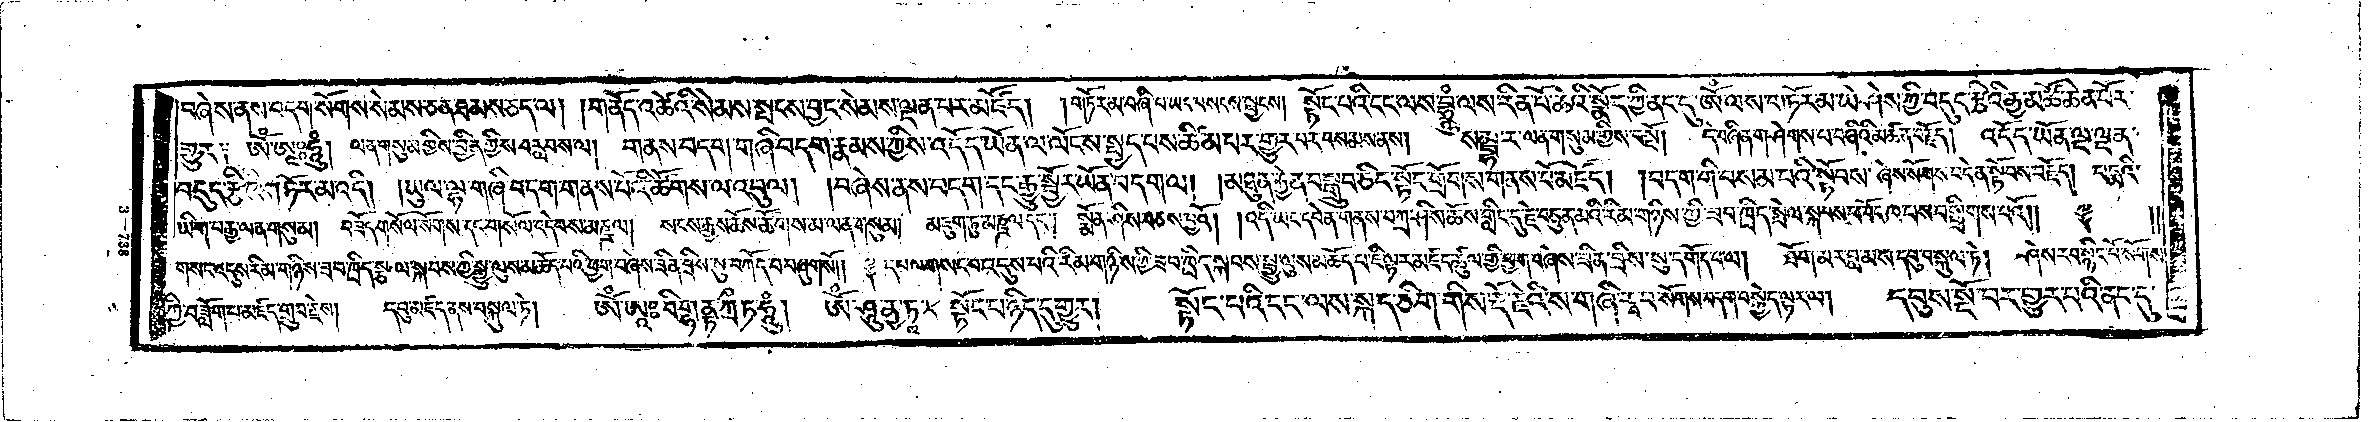བཞེས་ནས་བདག་སོགས་སེམས་ཅན་ཐམས་ཅད་ལ། །གནོད་འཚེའི་སེམས་སྤངས་བྱང་སེམས་ལྡན་པར་མཛོད། །གཏོར་མ་བཞི་པ་ཡང་བསངས་སྦྱངས།  སྟོང་པའི་ངང་ལས་བྷྲཱུཾ་ལས་རིན་པོ་ཆེའི་སྣོད་ཀྱི་ནང་དུ་ཨོཾ་ལས་གཏོར་མ་ཡེ་ཤེས་ཀྱི་བདུད་རྩིའི་རྒྱ་མཚོ་ཆེན་པོར་
གྱུར༑ ཨོཾ་ཨཱཿཧཱུཾ། ལན་གསུམ་གྱིས་བྱིན་གྱིས་བརླབས་ལ།  གནས་བདག་གཞི་བདག་རྣམས་ཀྱིས་འདོད་ཡོན་ལ་ལོངས་སྤྱད་པས་ཚིམ་པར་གྱུར་པར་བསམས་ནས།  སམྦྷར་ལན་གསུམ་གྱིས་བསྔོ། དེ་བཞིན་གཤེགས་པ་བཞིའི་མཚན་བརྗོད།  འདོད་ཡོན་ལྔ་ལྡན་
བདུད་རྩི་ལ་གཏོར་མ་འདི། །ཡུལ་ལྷ་གཞི་བདག་གནས་པོའི་ཚོགས་ལ་འབུལ། །བཞེས་ནས་བདག་དང་རྒྱུ་སྦྱོར་ཡོན་བདག་ལ། །མཐུན་རྐྱེན་བསྒྲུབ་ཅིང་སྟོང་གྲོགས་གནས་པོ་མཛེས། །བདག་གི་བསམ་པའི་སྟོབས་ཞེས་སོགས་བདེན་སྟོབས་བརྗོད། པདམའི་
ཡིག་བརྒྱ་ལན་གསུམ། བཟོད་གསོལ་སོགས་དང་གསོལ་འདེབས་མཎྜལ། སངས་རྒྱས་ཆོས་ཚོགས་མ་ལན་གསུམ། མཇུག་ཏུ་མཎྜལ་དང་། སྨོན་ཤིས་བཅས་བྱའོ། །འདི་ཡང་དབེན་གནས་བཀྲ་ཤིས་ཆོས་གླིང་དུ་རྗེ་བཙུན་མའི་རིམ་གཉིས་ཀྱི་ཟབ་ཁྲིད་སྤེལ་སྐབས་འཁོང་ཁ་པས་བསྒྲིགས་པའོ།། ༈ །།
གསང་འདུས་རིམ་གཉིས་ཟབ་ཁྲིད་སྩལ་སྐབས་ཀྱི་སྒྱུ་ལུས་མཆོད་པའི་ཕྱག་བཞེས་ཟིན་བྲིས་སུ་བཀོད་པ་བཞུགསོ།། ༈ དཔལ་གསང་བ་འདུས་པའི་རིམ་གཉིས་ཀྱི་ཟབ་ཁྲིད་སྐབས་སྒྱུ་ལུས་མཆོད་པ་ཇི་ལྟར་མཛད་ཚུལ་གྱི་ཕྱག་བཞེས་ཟིན་བྲིས་སུ་དགོད་པ་ལ། ཐོག་མར་བླ་མས་དབུ་བསྐུལ་ཏེ། ཤེས་རབ་སྙིང་པོ་སོགས་
ཀྱི་བཟློག་པ་མཛད་གྲུབ་རྗེས། དབུ་མཛད་ནས་བསྐུལ་ཏེ། ཨོཾ་ཨཱཿབིགྷ་ནྟ་ཀྲྀ་ཏ་ཧཱུཾ། ཨོཾ་ཤཱུ་ནྱ་ཏཱ་྾་སྟོང་པ་ཉིད་དུ་གྱུར། སྟོང་པའི་ངང་ལས་སྐད་ཅིག་གིས་རྡོ་རྗེའི་ས་གཞི་རྭ་བ་སོགས་བདག་བསྐྱེད་ལྟར་ལ།  དབུས་སྔོ་བར་གྱུར་པའི་ནང་དུ་